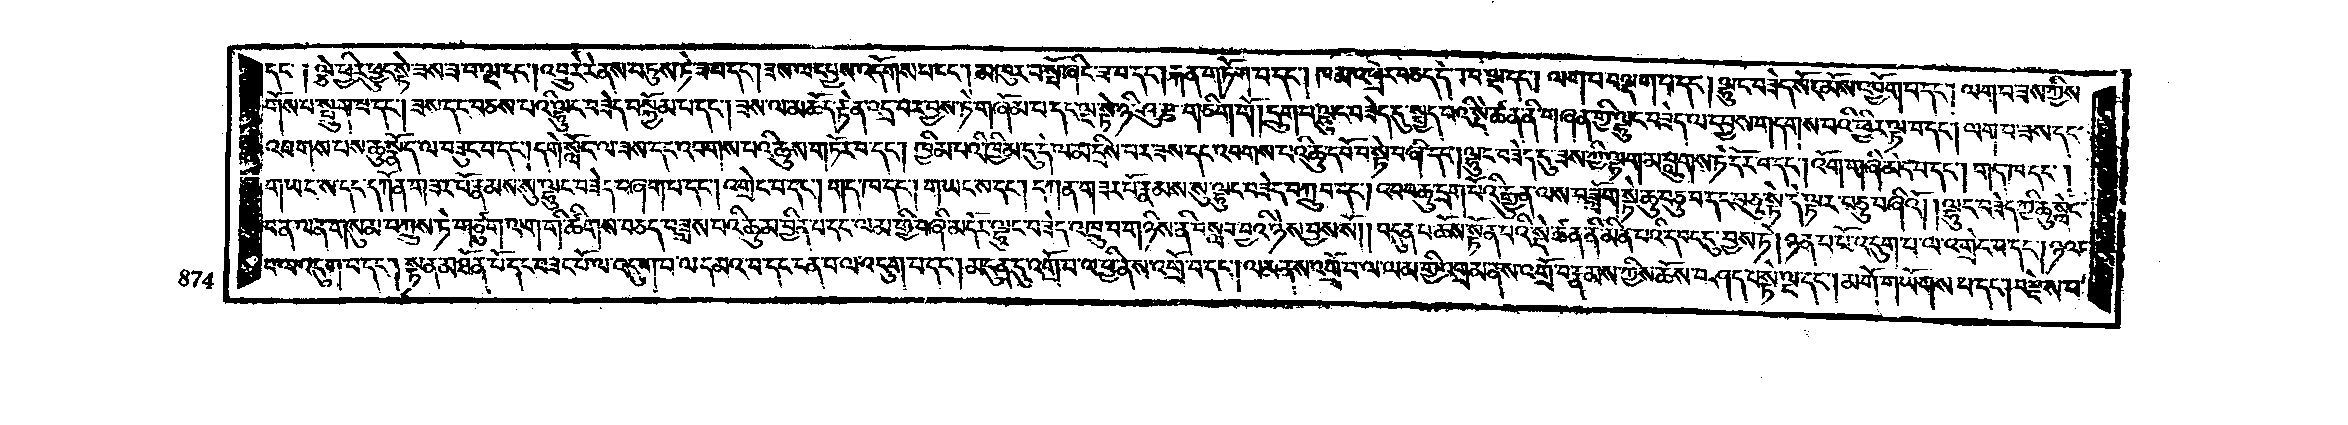དང༑ ལྕེ་ཕྱིར་ཕྱུང་སྟེ་ཟས་ཟ་བ་ལྔ་དང་། འབྲུར་རེ་རེ་ནས་བཏུས་ཏེ་ཟ་བ་དང་། ཟས་ལ་དཔྱས་འདོགས་པ་དང་། མཁུར་བ་སྤོ་ཞིང་ཟ་བ་དང་། རྐན་གཏོག་པ་དང་། ཁམ་འཕྲེར་བཅད་དེ་ཁ་ལྔ་དང་། ལག་པ་བལྡག་པ་དང་། ལྷུང་བཟེད་སོར་མོས་འབྱོག་པ་དང་། ལག་བ་ཟས་ཀྱིས་
གོས་པ་སྤྲུག་པ་དང་། ཟས་དང་བཅས་པའི་ལྷུང་བཟེད་བསྐྱོམ་པ་དང་། ཟས་ལ་མཆོད་རྟེན་འདྲ་བར་བྱས་ཏེ་གཞོམ་པ་དང་ལྔ་སྟེ་ཉི་ཤུ་རྩ་གཅིག་གོ། དྲུག་པ་ལྷུང་བཟེད་དུ་སྤྱད་པའི་སྡེ་ཚན་ནི་གཞན་གྱི་ལྷུང་བཟེད་ལ་དབྱས་གདགས་པའི་ཕྱིར་ལྟ་བ་དང་། ལག་པ་ཟས་དང་
འབགས་པས་ཆུ་སྣོད་ལ་བཟུང་བ་དང་། དགེ་སློང་ལ་ཟས་དང་འབགས་པའི་ཆུས་གཏོར་བ་དང་། ཁྱིམ་པའི་ཁྱིམ་དུ་དེ་ལ་མ་དྲིས་བར་ཟས་དང་འབགས་པའི་ཆུ་དབོ་བ་སྟེ་བཞི་དང་། ལྷུང་བཟེད་དུ་ཟས་ཀྱི་ལྷག་མ་བླུགས་ཏེ་དོར་བ་དང་། འོག་གཞི་མེད་པ་དང་། གད་ཁ་དང་།
གཡང་ས་དང་དཀོན་གཟར་པོ་རྣམས་སུ་ལྷུང་བཟེད་བཞག་པ་དང་། འགྲེང་བ་དང་། གད་ཁ་དང་། གཡང་ས་དང་། དཀན་གཟར་པོ་རྣམས་སུ་ལྷུང་བཟེད་བཀྲུབ་དང་། འབབ་ཆུ་དྲག་པོའི་རྒྱུན་ལས་བཟློག་སྟེ་ཆུ་བཅུ་བ་དང་། བཅུ་སྟེ་དེ་ལྟར་བཅུ་བཞིའོ། །ལྷུང་བཟེད་ཀྱི་ཆུ་སླེང་
བན་ལན་གསུམ་བཀྲུས་ཏེ་གཙུག་ལག་གི་ཚིགས་བཅད་བཟླས་པའི་ཆུ་མ་བྱིན་པ་དང་། ལམ་གྱི་བཞི་མདོར་ལྷུང་བཟེད་འཁྲུ་བ་གཉིས་ནི་བསླབ་བྱའི་ཉེས་བྱས་སོ། །བདུན་པ་ཆོས་སྟོན་པའི་སྡེ་ཚན་ནི་མིན་པའི་དབང་དུ་བྱས་ཏེ། ཉན་པ་པོ་འདུག་པ་ལ་འགྲེང་བ་དང་། ཉལ་
བ་ལ་འདུག་པ་དང་། སྟན་མཐོན་པོ་དང་བཟང་པོ་ལ་འདུག་པ་ལ་དམའ་བ་དང་ངན་བ་ལ་འདུག་པ་དང་། མདུན་དུ་འགྲོ་བ་ལ་ཕྱི་ནས་འགྲོ་བ་དང་། ལམ་ནས་འགྲོ་བ་ལ་ལམ་གྱི་འགྲམ་ནས་འགྲོ་བ་རྣམས་ཀྱིས་ཆོས་བཤད་པ་སྟེ་ལྔ་དང་། མགོ་གཡོགས་པ་དང་། བརྫེས་བ་